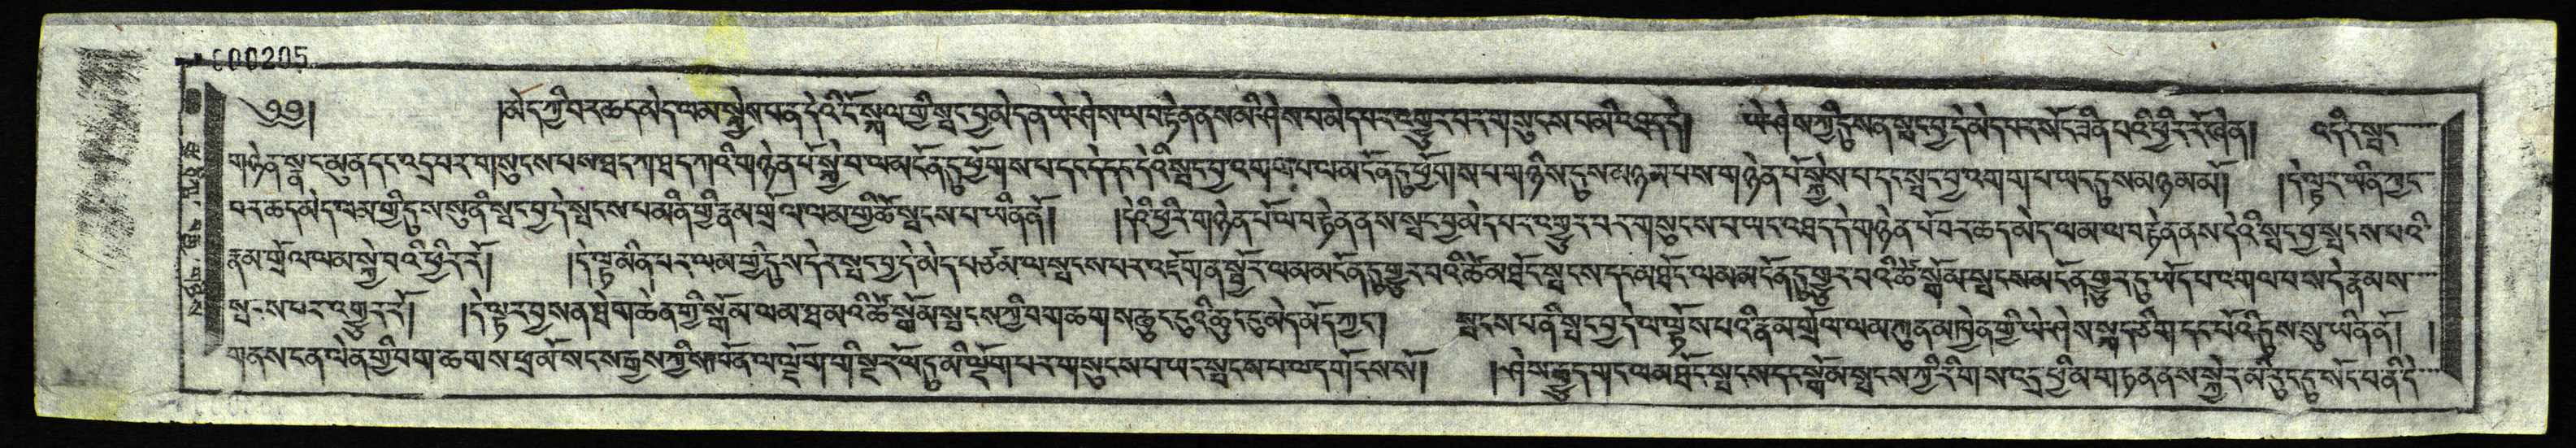༄༅། །མོད་ཀྱི་བར་ཆད་མེད་ལམ་སྐྱེས་པ་ན་དེའི་ངོ་སྐལ་གྱི་སྤང་བྱ་མེད་ན་ཡེ་ཤེས་ལ་བརྟེན་ནས་མི་ཤེས་པ་མེད་པར་འགྱུར་བར་གསུངས་པ་མི་འཐད་དེ། ཡེ་ཤེས་ཀྱི་དུས་ན་སྤང་བྱ་དེ་མེད་པར་སོང་ཟིན་པའི་ཕྱིར་རོ་ཞེ་ན། འདིར་སྤང་
གཉེན་སྣང་མུན་དང་འདྲ་བར་གསུངས་པས་ཐད་ཀ་ཐད་ཀའི་གཉེན་པོ་སྐྱེ་བ་ལ་མངོན་དུ་ཕྱོགས་པ་དང་དེ་དང་དེའི་སྤང་བྱ་འགག་པ་ལ་མངོན་དུ་ཕྱོགས་པ་གཉིས་དུས་མཉམ་པས་གཉེན་པོ་སྐྱེས་པ་དང་སྤང་བྱ་འགག་པ་ཡང་དུས་མཉམ་མོ། །དེ་ལྟར་ཡིན་ཀྱང་
བར་ཆད་མེད་ལམ་གྱི་དུས་སུ་ནི་སྤང་བྱ་དེ་སྤངས་པ་མིན་གྱི་རྣམ་གྲོལ་ལམ་གྱི་ཚེ་སྤངས་པ་ཡིན་ནོ། །དེའི་ཕྱིར་གཉེན་པོ་ལ་བརྟེན་ནས་སྤང་བྱ་མེད་པར་འགྱུར་བར་གསུངས་པ་ཡང་འཐད་དེ་གཉེན་པོ་བར་ཆད་མེད་ལམ་ལ་བརྟེན་ནས་དེའི་སྤང་བྱ་སྤངས་པའི་
རྣམ་གྲོལ་ལམ་སྐྱེ་བའི་ཕྱིར་རོ། །དེ་ལྟ་མིན་པར་ལམ་གྱི་དུས་དེར་སྤང་བ་དེ་མེད་པ་ཙམ་ལ་སྤངས་པར་འཇོག་ན་སྦྱོར་ལམ་མངོན་དུ་གྱུར་པའི་ཚེ་མཐོང་སྤངས་དང་མཐོང་ལམ་མངོན་དུ་གྱུར་བའི་ཚེ་སྒོམ་སྤངས་མངོན་གྱུར་དུ་ཡོད་པ་འགལ་བས་དེ་རྣམས་
སྤངས་པར་འགྱུར་རོ། །དེ་ལྟར་བྱས་ན་ཐེག་ཆེན་གྱི་སྒོམ་ལམ་ཐ་མའི་ཚེ་སྒོམ་སྤངས་ཀྱི་བག་ཆགས་ཆུང་ངུའི་ཆུང་ངུ་མེད་མོད་ཀྱང་། སྤངས་པ་ནི་སྤང་བྱ་དེ་ལ་ལྟོས་པའི་རྣམ་གྲོལ་ལམ་ཀུན་མཁྱེན་གྱི་ཡེ་ཤེས་སྐད་ཅིག་དང་པོའི་དུས་སུ་ཡིན་ནོ། །
གནས་ངན་ལེན་གྱི་བག་ཆགས་ཕྲ་མོ་སངས་རྒྱས་ཀྱིས་ཁོ་ན་ལ་ལྡོག་གི་སྔ་རོལ་དུ་མི་ལྡོག་པར་གསུངས་པ་ཡང་སྤངས་པ་ལ་དགོངས་སོ། །ཤེས་རྒྱུད་གང་ལ་མཐོང་སྤངས་དང་སྒོམ་སྤང་ཀྱི་རིགས་འདྲ་ཕྱི་མ་གཏན་ནས་སྐྱེར་མི་རུང་དུ་སོང་བ་ནི་དེ་